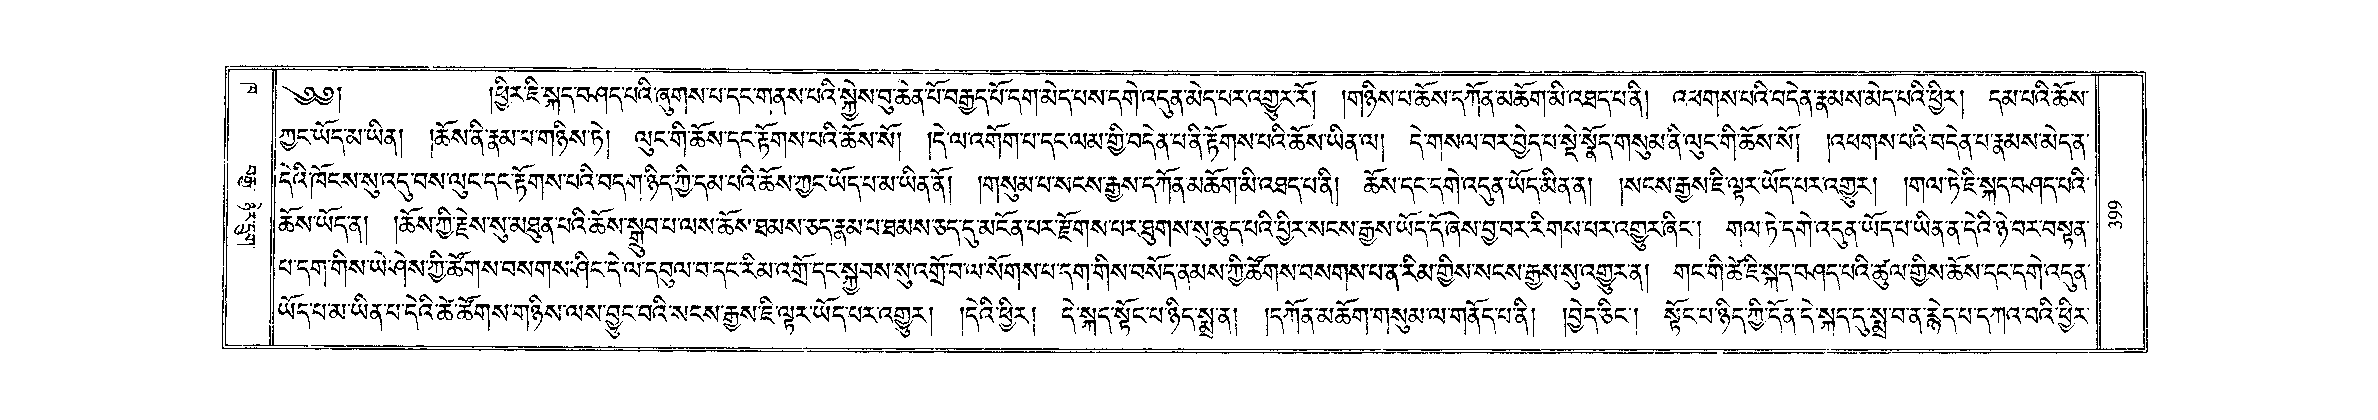༄༅། །ཕྱིར་ཇི་སྐད་བཤད་པའི་ཞུགས་པ་དང་གནས་པའི་སྐྱེས་བུ་ཆེན་པོ་བརྒྱད་པོ་དག་མེད་པས་དགེ་འདུན་མེད་པར་འགྱུར་རོ། །གཉིས་པ་ཆོས་དཀོན་མཆོག་མི་འཐད་པ་ནི། འཕགས་པའི་བདེན་རྣམས་མེད་པའི་ཕྱིར། དམ་པའི་ཆོས་
ཀྱང་ཡོད་མ་ཡིན། །ཆོས་ནི་རྣམ་པ་གཉིས་ཏེ། ལུང་གི་ཆོས་དང་རྟོགས་པའི་ཆོས་སོ། །དེ་ལ་འགོག་པ་དང་ལམ་གྱི་བདེན་པ་ནི་རྟོགས་པའི་ཆོས་ཡིན་ལ། དེ་གསལ་བར་བྱེད་པ་སྡེ་སྣོད་གསུམ་ནི་ལུང་གི་ཆོས་སོ། །འཕགས་པའི་བདེན་པ་རྣམས་མེད་ན་
དེའི་ཁོངས་སུ་འདུ་བས་ལུང་དང་རྟོགས་པའི་བདག་ཉིད་ཀྱི་དམ་པའི་ཆོས་ཀྱང་ཡོད་པ་མ་ཡིན་ནོ། །གསུམ་པ་སངས་རྒྱས་དཀོན་མཆོག་མི་འཐད་པ་ནི། ཆོས་དང་དགེ་འདུན་ཡོད་མིན་ན། །སངས་རྒྱས་ཇི་ལྟར་ཡོད་པར་འགྱུར། །གལ་ཏེ་ཇི་སྐད་བཤད་པའི་
ཆོས་ཡོད་ན། །ཆོས་ཀྱི་རྗེས་སུ་མཐུན་པའི་ཆོས་སྒྲུབ་པ་ལས་ཆོས་ཐམས་ཅད་རྣམ་པ་ཐམས་ཅད་དུ་མངོན་པར་རྫོགས་པར་ཐུགས་སུ་ཆུད་པའི་ཕྱིར་སངས་རྒྱས་ཡོད་དོ་ཞེས་བྱ་བར་རིགས་པར་འགྱུར་ཞིང་། གལ་ཏེ་དགེ་འདུན་ཡོད་པ་ཡིན་ན་དེའི་ཉེ་བར་བསྟན་
པ་དག་གིས་ཡེ་ཤེས་ཀྱི་ཚོགས་བསགས་ཤིང་དེ་ལ་དབུལ་བ་དང་རིམ་འགྲོ་དང་སྐྱབས་སུ་འགྲོ་བ་ལ་སོགས་པ་དག་གིས་བསོད་ནམས་ཀྱི་ཚོགས་བསགས་པ་ན་རིམ་གྱིས་སངས་རྒྱས་སུ་འགྱུར་ན། གང་གི་ཚེ་ཇི་སྐད་བཤད་པའི་ཚུལ་གྱིས་ཆོས་དང་དགེ་འདུན་
ཡོད་པ་མ་ཡིན་པ་དེའི་ཚེ་ཚོགས་གཉིས་ལས་བྱུང་བའི་སངས་རྒྱས་ཇི་ལྟར་ཡོད་པར་འགྱུར། །དེའི་ཕྱིར། དེ་སྐད་སྟོང་པ་ཉིད་སྨྲ་ན། །དཀོན་མཆོག་གསུམ་ལ་གནོད་པ་ནི། །བྱེད་ཅིང་། སྟོང་པ་ཉིད་ཀྱི་དོན་དེ་སྐད་དུ་སྨྲ་བ་ན་རྙེད་པ་དཀའ་བའི་ཕྱིར་